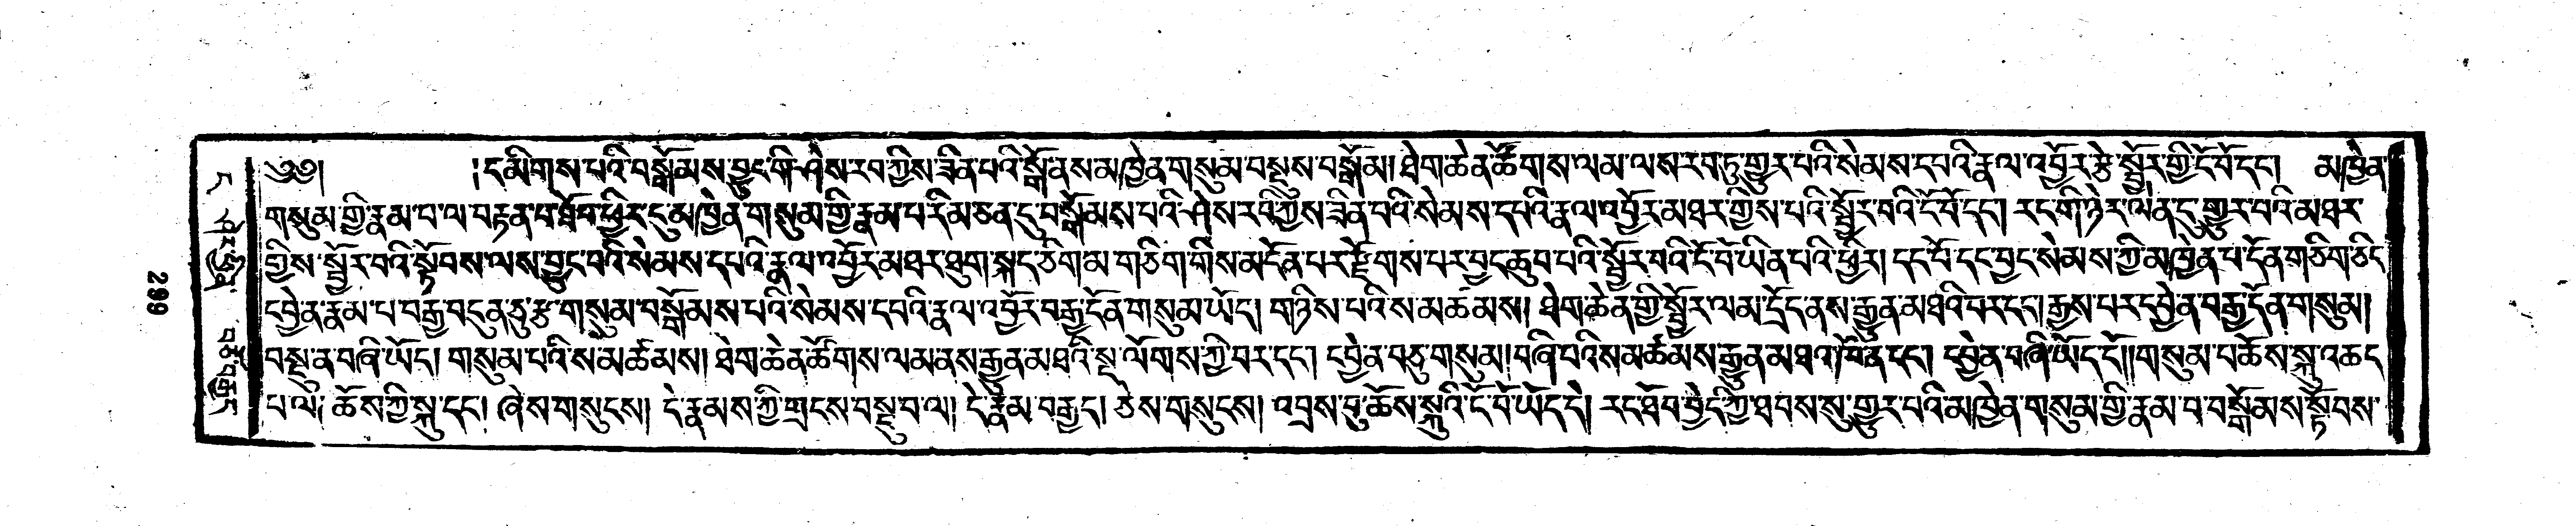༄༅། །དམིགས་པའི་བསྒོམས་བྱུང་གི་ཤེས་རབ་ཀྱིས་ཟིན་པའི་སྒོ་ནས་མཁྱེན་གསུམ་བསྡུས་བསྒོམ། ཐེག་ཆེན་ཚོགས་ལམ་ལས་རབ་ཏུ་གྱུར་པའི་སེམས་དཔའི་རྣལ་འབྱོར་རྩེ་སྦྱོར་གྱི་ངོ་བོ་དང་། མཁྱེན་
གསུམ་གྱི་རྣམ་པ་ལ་བརྟན་པ་ཐོབ་ཕྱིར་དུ་མཁྱེན་གསུམ་གྱི་རྣམ་པ་རིམ་ཅན་དུ་བསྒོམས་པའི་ཤེས་རབ་ཀྱིས་ཟིན་པའི་སེམས་དཔའི་རྣལ་འབྱོར་མཐར་གྱིས་པའི་སྤྱོད་པའི་ངོ་བོ་དང་། རང་གི་ཉེར་ལེན་དུ་གྱུར་པའི་མཐར་
གྱིས་སྦྱོར་བའི་སྟོབས་ལས་བྱུང་བའི་སེམས་དཔའི་རྣལ་འབྱོར་མཐར་ཐུག་སྐད་ཅིག་མ་གཅིག་གིས་མངོན་པར་རྫོགས་པར་བྱང་ཆུབ་པའི་སྦྱོར་བའི་ངོ་བོ་ཡིན་པའི་ཕྱིར། དང་པོ་དང་བྱང་སེམས་ཀྱི་མཁྱེན་པ་དོན་གཅིག་ཅིང་
དབྱེ་ན་རྣམ་པ་བརྒྱ་བདུན་ཅུ་རྩ་གསུམ་བསྒོམས་པའི་སེམས་དཔའི་རྣལ་འབྱོར་བརྒྱ་དོན་གསུམ་ཡོད། གཉིས་པའི་ས་མཚམས། ཐེག་ཆེན་གྱི་སྦྱོར་ལམ་དྲོད་ནས་རྒྱུན་མཐའི་བར་དང་། རྒྱས་པར་དབྱེ་ན་བརྒྱ་དོན་གསུམ།
བསྡུ་ན་བཞི་ཡོད། གསུམ་པའི་ས་མཚམས། ཐེག་ཆེན་ཚོགས་ལམ་ནས་རྒྱུན་མཐའི་སྔ་ལོགས་ཀྱི་བར་དང་། དབྱེ་ན་བཅུ་གསུམ། བཞི་པའི་ས་མཚམས་རྒྱུན་མཐའ་ཁོ་ན་དང་། དབྱེ་ན་བཞི་ཡོད་དོ། །གསུམ་པ་ཆོས་སྐུ་འཆད་
པ་ལ༑ ཆོས་ཀྱི་སྐུ་དང་། ཞེས་གསུངས། དེ་རྣམས་ཀྱི་གྲངས་བསྡུ་བ་ལ། དེ་རྣམ་བརྒྱད། ཅེས་གསུངས། འབྲས་བུ་ཆོས་སྐུའི་ངོ་བོ་ཡོད་དེ། རང་ཐོབ་བྱེད་ཀྱི་ཐབས་སུ་གྱུར་པའི་མཁྱེན་གསུམ་གྱི་རྣམ་པ་བསྒོམས་སྟོབས་